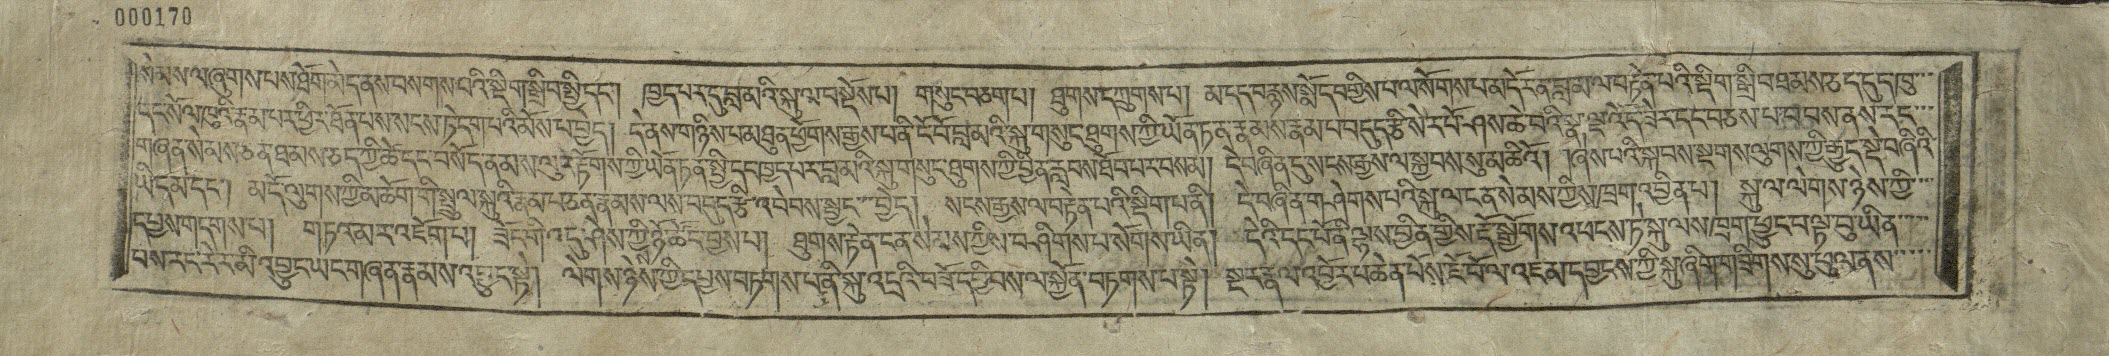སེམས་ལ་ཞུགས་པས་ཐོག་མེད་ནས་བསགས་པའི་སྡིག་སྒྲིབ་སྤྱི་དང་། ཁྱད་པར་དུ་བླ་མའི་སྐུ་ལ་བསྡོས་པ། གསུང་བཅག་པ། ཐུགས་དཀྲུགས་པ། མ་དད་བརྙས་སྨོད་བགྱིས་པ་ལ་སོགས་པ་མདོར་ན་བླ་མ་ལ་བརྟེན་པའི་སྡིག་སྒྲིབ་ཐམས་ཅད་དུད་ཁུ་
དང་སོལ་ཁུའི་རྣམ་པར་ཕྱིར་ཐོན་པས་སངས་ཏེ་དག་པའི་མོས་པ་བྱེད། དེ་ནས་གཉིས་པ་མཐུན་ཕྱོགས་རྒྱས་པ་ནི་ངོ་བོ་བླ་མའི་སྐུ་གསུང་ཐུགས་ཀྱི་ཡོན་ཏན་རྣམས་རྣམ་པ་བདུད་རྩི་སེར་པོ་ཤས་ཆེ་བའི་སྣ་ལྔ་འོད་ཟེར་དང་བཅས་པ་བབས་ནས་རང་
གཞན་སེམས་ཅན་ཐམས་ཅད་ཀྱི་ཚེ་དང་བསོད་ནམས་ལུང་རྟོགས་ཀྱི་ཡོན་ཏན་སྤྱི་དང་ཁྱད་པར་བླ་མའི་སྐུ་གསུང་ཐུགས་ཀྱི་བྱིན་རླབས་ཐོབ་པར་བསམ། དེ་བཞིན་དུ་སངས་རྒྱས་ལ་སྐྱབས་སུ་མཆིའོ། །ཞེས་པའི་སྐབས་སྔགས་ལུགས་ཀྱི་རྒྱུད་སྡེ་བཞིའི་
ཡིད་མ་དང་། མདོ་ལུགས་ཀྱི་མཆོག་གི་སྤྲུལ་སྐུའི་རྣམ་པ་ཅན་རྣམས་ལས་བདུད་རྩི་འབེབས་སྦྱང་བྱེད། སངས་རྒྱས་ལ་བརྟེན་པའི་སྡིག་པ་ནི། དེ་བཞིན་གཤེགས་པའི་སྐུ་ལ་ངན་སེམས་ཀྱིས་ཁྲག་འབྱིན་པ། སྐུ་ལ་ལེགས་ཉེས་ཀྱི་
དཔྱས་གདགས་པ། གཏའ་མར་འཇོག་པ། ཟོང་གི་འདུ་ཤེས་ཀྱིས་ཉོ་ཚོང་བྱས་པ། ཐུགས་རྟེན་ངན་སེམས་ཀྱིས་བཤིགས་པ་སོགས་ཡིན། དེའི་དང་པོ་ནི་ལྷས་བྱིན་གྱིས་རྡོ་སྒྱོགས་འཕངས་ཏེ་སྐུ་ལས་ཁྲག་ཕྱུང་བ་ལྟ་བུ་ཡིན་
པས་རང་རེར་མི་འབྱུང་ཡང་གཞན་རྣམས་འབྱུང་སྟེ། ལེགས་ཉེས་ཀྱི་དཔྱས་བཏགས་པ་ནི་སྐུ་འདྲའི་བཟོ་དབྱིབས་ལ་སྐྱོན་བཏགས་པ་སྟེ། སྔར་རྣལ་འབྱོར་པ་ཆེན་པོས་ཇོ་བོ་ལ་འཇམ་དབྱངས་ཀྱི་སྐུ་ཞིག་གཟིགས་སུ་ཕུལ་ནས་